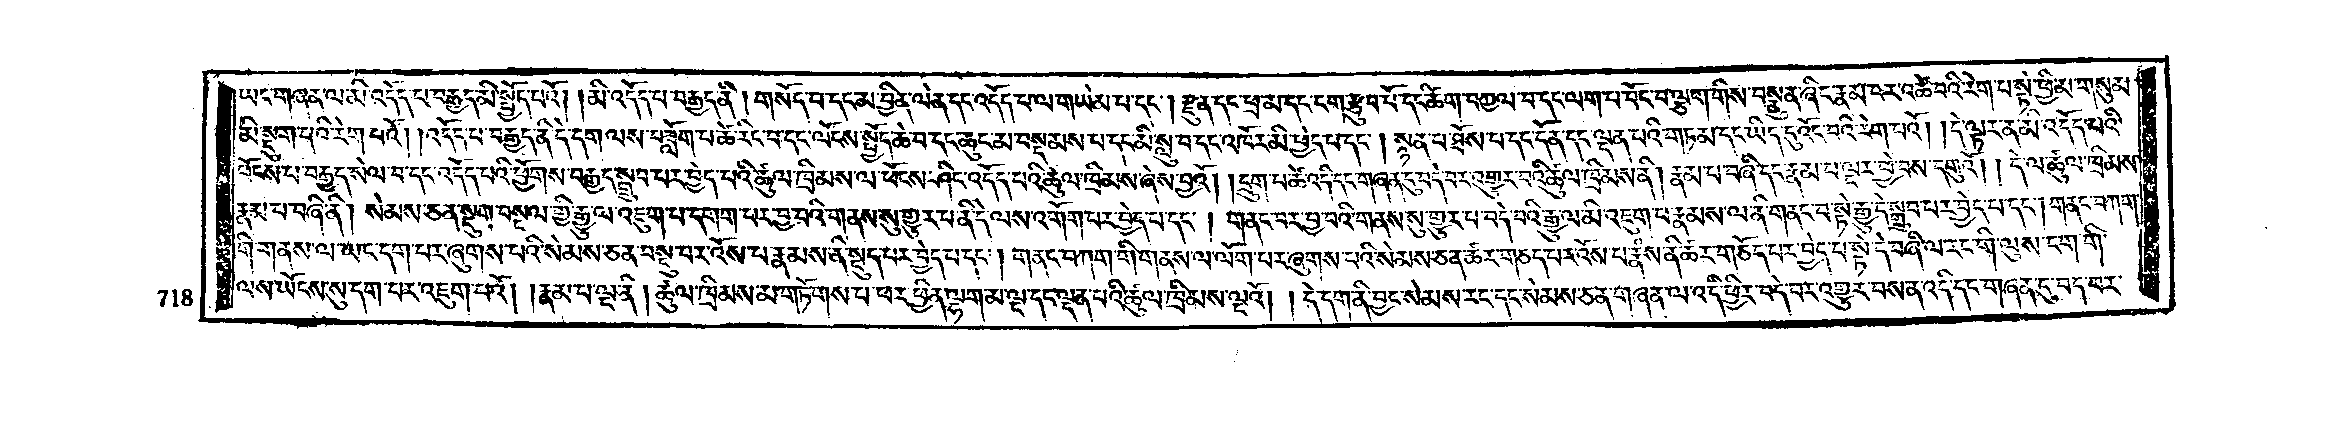ཡང་གཞན་ལ་མི་འདོད་པ་བརྒྱད་མི་སྤྱོད་པའོ། །མི་འདོད་པ་བརྒྱད་ནི། གསོད་པ་དང་མ་བྱིན་ལེན་དང་འདོད་པ་ལ་གཡེམ་པ་དང་། རྫུན་དང་ཕྲ་མ་དང་ངག་རྩུབ་པོ་དང་ཚིག་བཀྱལ་བ་དང་ལག་པ་བོང་བ་ལྕག་གིས་བསྣུན་ཞིང་རྣམ་པར་འཚེ་བའི་རེག་པ་སྟེ་ཕྱི་མ་གསུམ་
མི་སྡུག་པའི་རེག་པའོ། །འདོད་པ་བརྒྱད་ནི་དེ་དག་ལས་བཟློག་པ་ཚེ་རིང་བ་དང་ལོགས་སྤྱོད་ཆེ་བ་དང་ཆུང་མ་བསྡམས་པ་དང་མི་སླུ་བ་དང་འཁོར་མི་ཕྱེད་པ་དང་། སྙན་པ་ཐོས་པ་དང་དོན་དང་ལྡན་པའི་གཏམ་དང་ཡིད་དུ་འོང་བའི་རེག་པའོ། །དེ་ལྟར་ན་མི་འདོད་པའི་
ཕོངས་པ་བརྒྱད་སེལ་བ་དང་འདོད་པའི་ཕྱོགས་བརྒྱད་སྒྲུབ་པར་བྱེད་པའི་ཚུལ་ཁྲིམས་ལ་ཕོངས་ཤིང་འདོད་པའི་ཚུལ་ཁྲིམས་ཞེས་བྱའོ། །དྲུག་པ་ཚེ་འདི་དང་གཞན་དུ་བདེ་བར་འགྱུར་བའི་ཚུལ་ཁྲིམས་ནི། རྣམ་པ་བཞི་དང་རྣམ་པ་ལྔར་ཕྱེ་བས་དགུའོ། །དེ་ལ་ཚུལ་ཁྲིམས་
རྣམ་པ་བཞི་ནི། སེམས་ཅན་སྡུག་བསྔལ་གྱི་རྒྱུ་ལ་འཇུག་པ་དགག་པར་བྱ་བའི་གནས་སུ་གྱུར་པ་ནི་དེ་ལས་འགོག་པར་བྱེད་པ་དང་། གནང་བར་བྱ་བའི་གནས་སུ་གྱུར་པ་བདེ་བའི་རྒྱུ་ལ་མི་འཇུག་པ་རྣམས་ལ་ནི་གནང་བ་སྟེ་རྒྱུ་དེ་སྒྲུབ་པར་བྱེད་པ་དང་། གནང་བཀག་
གི་གནས་ལ་ཡང་དག་པར་ཞུགས་པའི་སེམས་ཅན་བསྡུ་བར་འོས་པ་རྣམས་ནི་སྡུད་པར་བྱེད་པ་དང་། གནང་བཀག་གི་གནས་ལ་ལོག་པར་ཞུགས་པའི་སེམས་ཅན་ཚར་གཅོད་པར་འོས་པ་རྣམས་ནི་ཚར་གཅོད་པར་བྱེད་པ་སྟེ་དེ་བཞི་ལ་རང་གི་ལུས་ངག་གི་
ལས་ཡོངས་སུ་དག་པར་འཇུག་པའོ། །རྣམ་པ་ལྔ་ནི། ཚུལ་ཁྲིམས་མ་གཏོགས་པ་ཕར་ཕྱིན་ལྷག་མ་ལྔ་དང་ལྡན་པའི་ཚུལ་ཁྲིམས་ལྔའོ། །དེ་དག་ནི་བྱང་སེམས་རང་དང་སེམས་ཅན་གཞན་ལ་འདི་ཕྱིར་བདེ་བར་འགྱུར་བས་ན་འདི་དང་གཞན་དུ་བདེ་བར་